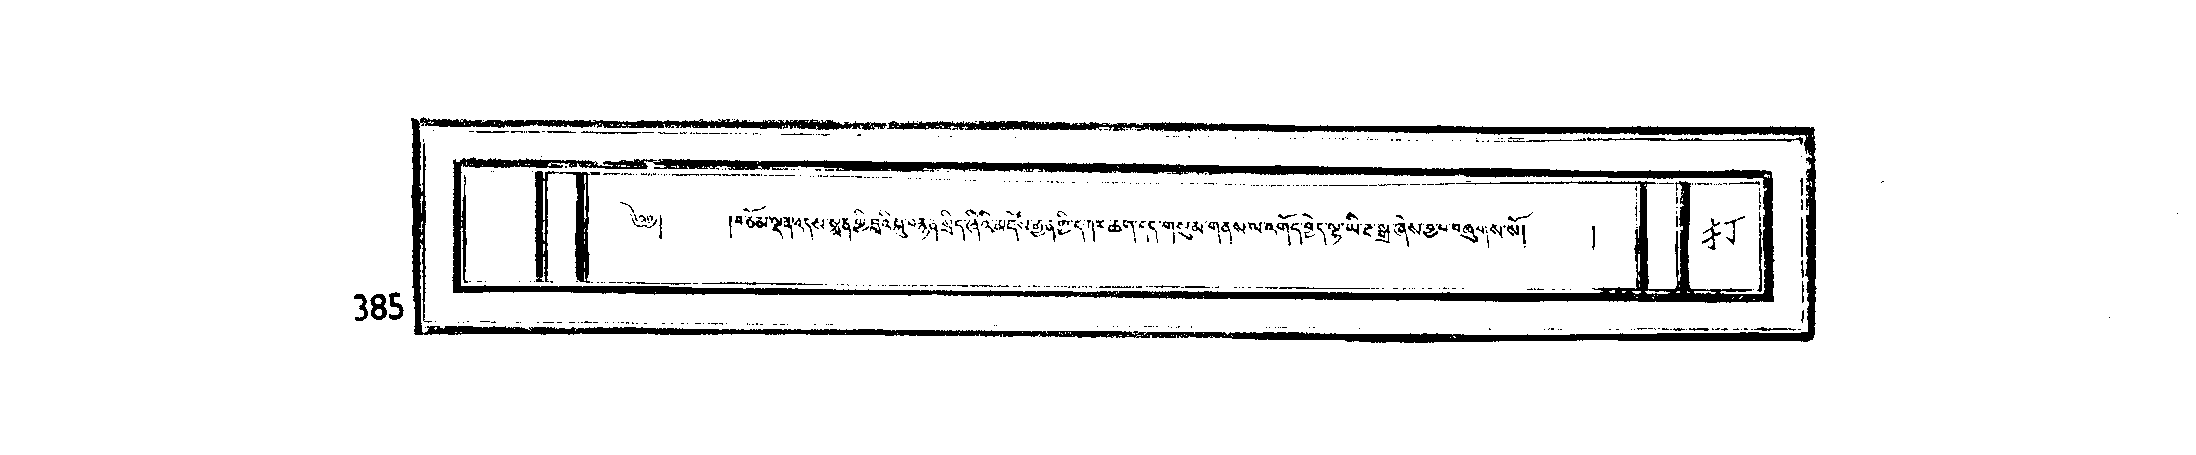༄༅། །བཅོམ་ལྡན་འདས་སྨན་གྱི་བླའི་སྐུ་བརྙན་སྲིད་ཞིའི་མཛེས་རྒྱན་གྱི་དཀར་ཆག་དད་གསུམ་གནས་ལ་འགོད་བྱེད་ལྷ་ཡི་རྔ་སྒྲ་ཞེས་བྱ་བ་བཞུགས་སོ། །